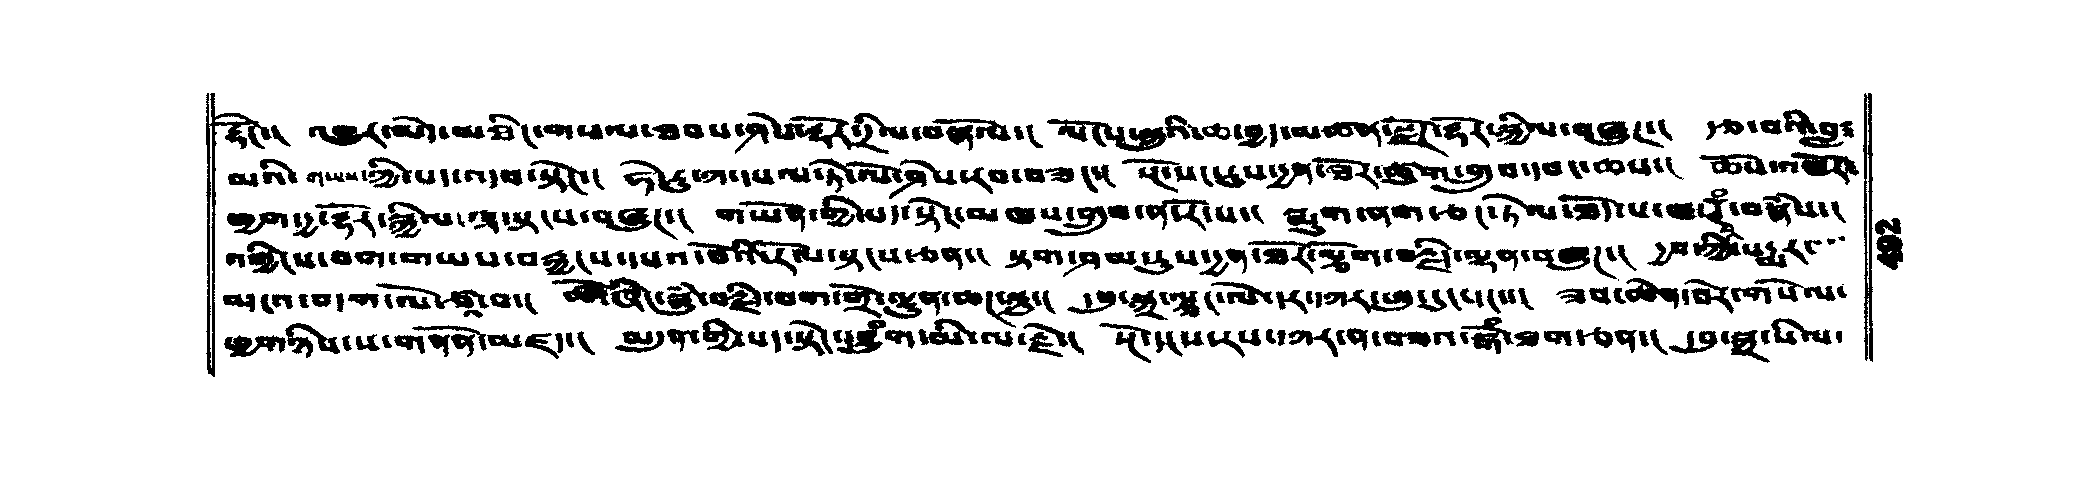རྡོ་རྗེ་འཆང་། །འགྱུར་མེད་མཐིང་གསལ་ཐབས་ཤེས་རྡོར་དྲིལ་བསྣོལ། །ལོངས་སྐུའི་ཆ་བྱད་མཚན་རྫོགས་རྡོར་དྲིལ་བཞུགས། །རྩ་བའི་བླ་
མའི་གཡས་ཀྱི་པད་འདབ་སྟེང་། །ཧེ་རུ་ཀ་དཔལ་ཏེ་ལོ་ཤེས་རབ་བཟང་། །སྔོ་སང་རུས་རྒྱན་ཐོར་ཚུགས་གྲུབ་དབང་ཆས། །ཆོས་འཁོར་
ཕྱག་རྒྱ་རྡོར་སྐྱིལ་ལྟ་སྟངས་བཞུགས། །གཡོན་གྱི་པད་སྟེང་མཁས་གྲུབ་ན་རོ་པ། །སྨུག་ནག་ཅང་ཏེལ་ཐོད་པ་ཁ་ཊཾ་བསྣམས། །
འགྱིངས་བག་གཡས་བརྐྱངས་དཔའ་བོའི་རོལ་སྟངས་ཅན། ། སྟག་ཤམ་རུས་རྒྱན་ཐོར་ལྕོག་བརྗིད་ལྡན་བཞུགས། །རྒྱབ་ཀྱི་པདྨར་
མངའ་བདག་ལོ་ཙཱ་བ། །ཆེ་ཞིང་སྣུམ་བརྗིད་བག་གྲོ་ལྷུན་ཆགས་སྐུ། །དབུ་སྐྲ་ལྕང་ལོ་དར་དཀར་ཕུ་དུང་དང་། ཟབ་ཆེན་བེར་གསོལ་
ཕྱག་གཉིས་ས་གནོན་མཛད། །མདུན་གྱི་པད་སྟེང་དབང་ཕྱུག་མི་ལ་རྗེ། །སྔོ་དངས་རས་དཀར་ན་བཟའ་སྒོམ་ཐག་ཅན། ། དབུ་སྐྲ་སིལ་